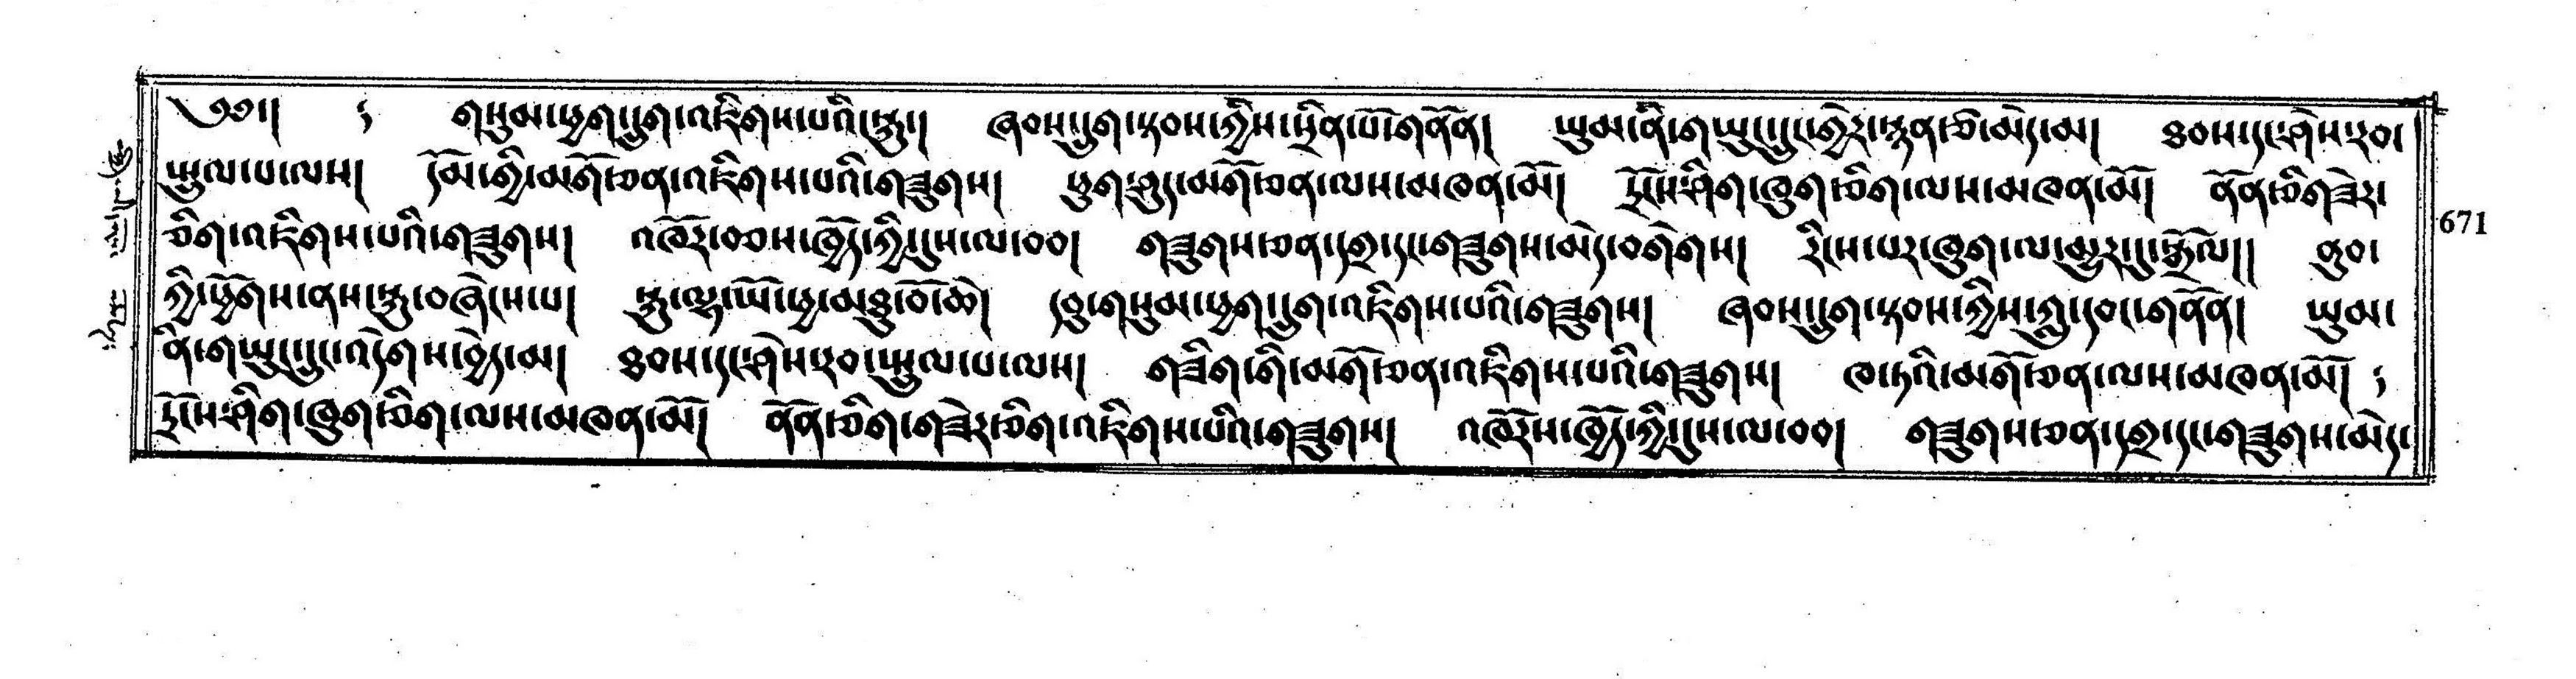གསུམ་ཕྱག་དྲུག་འཇིགས་པའི་སྐུ། ཞབས་དྲུག་སྟབས་ཀྱིས་སྲིན་པོ་གནོན། ཡུམ་ནི་གཡུང་དྲུང་གྱེར་སྙན་ཙ་མེད་མ། ཐབས་དང་ཤེས་རབ་
སྤྲུལ་པ་ལས། དོམ་གྱི་མགོ་ཅན་འཇིགས་པའི་གཟུགས། ཕུག་ཤུད་མགོ་ཅན་ལས་མཁན་མོ། དྲོངས་ཤིག་ཁུག་ཅིག་ལས་མཁན་མོ། ནོན་ཅིག་གཟེར་
ཅིག་འཇིགས་པའི་གཟུགས། འཁོར་བཅས་ཁྱོད་ཀྱི་དུས་ལ་བབ། གཟུགས་ཅན་དགྲ་དང་གཟུགས་མེད་བགེགས། རིངས་པར་ཁུག་ལ་མྱུར་དུ་སྒྲོལ།། ནུབ་
ཀྱི་ཕྱོགས་ནས་སྐུ་བཞེངས་པ། སྐུ་ལྷ་ཡོ་ཕྱ་མཐུ་བོ་ཆེ། དབུ་གསུམ་ཕྱག་དྲུག་འཇིགས་པའི་གཟུགས། ཞབས་དྲུག་སྟབས་ཀྱིས་ཀླུ་དབང་གནོན། ཡུམ་
ནི་གཡུང་དྲུང་འདེགས་བྱེད་མ། ཐབས་དང་ཤེས་རབ་སྤྲུལ་པ་ལས། གཟིག་གི་མགོ་ཅན་འཇིགས་པའི་གཟུགས། ཁ་ཏའི་མགོ་ཅན་ལས་མཁན་མོ། 
དྲོངས་ཤིག་ཁུག་ཅིག་ལས་མཁན་མོ། ནོན་ཅིག་གཟེར་ཅིག་འཇིགས་པའི་གཟུགས། འཁོར་བཅས་ཁྱོད་ཀྱི་དུས་ལ་བབ། གཟུགས་ཅན་དགྲ་དང་གཟུགས་མེད་